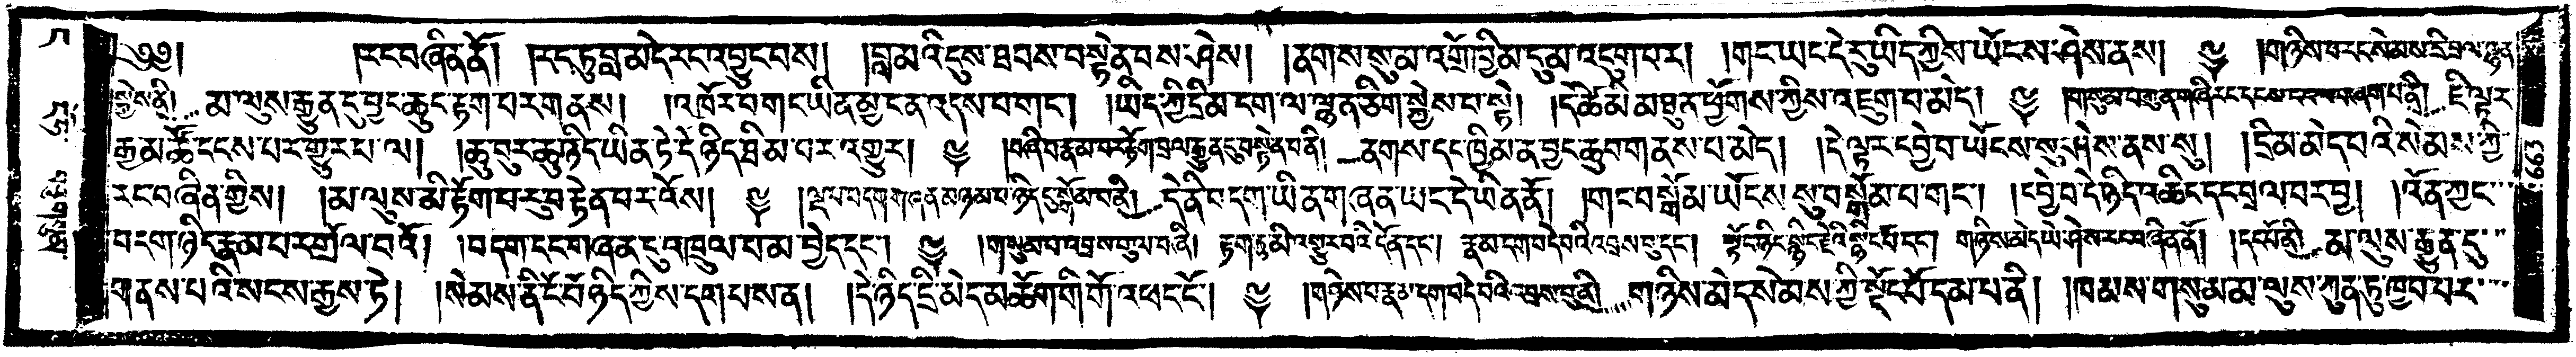༄༅། །རང་བཞིན་ནོ། །རང་ཏུ་བླ་མེད་རང་འབྱུང་བས། །བླ་མའི་དུས་ཐབས་བསྟེན་པས་ཤེས། །ནགས་སུ་མ་འགྲོ་ཁྱིམ་དུ་མ་འདུག་པར། །གང་ཡང་དེ་རུ་ཡིད་ཀྱིས་ཡོངས་ཤེས་ནས། ༈ །གཉིས་པ་རང་སེམས་དྲི་བྲལ་ལྷན་
སྐྱེས་ནི། མ་ལུས་རྒྱུན་དུ་བྱང་ཆུབ་རྟག་པར་གནས། །འཁོར་བ་གང་ཡིན་མྱ་ངན་འདས་པ་གང་། །ཡིད་ཀྱི་དྲི་མ་དག་ལ་ལྷན་ཅིག་སྐྱེས་པ་སྟེ། །དེ་ཚེ་མི་མཐུན་ཕྱོགས་ཀྱིས་འཇུག་པ་མེད། ༈ །གསུམ་བ་ཀུན་གཞི་རང་དངས་དང་ལ་བཞག་པ་ནི། ཇི་ལྟར་
རྒྱ་མཚོ་དངས་པར་གྱུར་པ་ལ། །ཆུ་བུར་ཆུ་ཉིད་ཡིན་ཏེ་དེ་ཉིད་ཐིམ་པར་འགྱུར། ༈ །བཞི་བ་རྣམ་བར་རྟོག་བྲལ་རྒྱུན་དུ་བསྟེན་པ་ནི། ནགས་དང་ཁྱིམ་ན་བྱང་ཆུབ་གནས་པ་མེད། །དེ་ལྟར་དབྱེ་བ་ཡོངས་སུ་ཤེས་ནས་སུ། །དྲི་མ་མེད་པའི་སེམས་ཀྱི་
རང་བཞིན་གྱིས། །མ་ལུས་མི་རྟོག་པ་རུ་བརྟེན་པར་འོས། ༈ །ལྔ་པ་བདག་གཞན་མཉམ་པ་ཉིད་དུ་སྒོམ་པ་ནི། དེ་ནི་བདག་ཡི་ན་གཞན་ཡང་དེ་ཡིན་ནོ། །གང་བསྒོམ་ཡོངས་སུ་བསྒོམ་པ་གང་། །དབྱེ་བ་དེ་ཉིད་འཆིང་དང་བྲལ་བར་བྱ། །འོན་ཀྱང་
བདག་ཉིད་རྣམ་པར་གྲོལ་བའོ། །བདག་དང་གཞན་དུ་འཁྲུལ་བ་མ་བྱེད་དང་། ༈ །གསུམ་པ་འབྲས་བུ་ལ་བཞི། རྟག་ཏུ་མི་འགྱུར་བའི་དོན་དང་། རྣམ་དག་བདེ་བའི་འབྲས་བུ་དང་། སྟོང་ཉིད་སྙིང་རྗེའི་སྙིང་པོ་དང་། གཉིས་མེད་ཡེ་ཤེས་རང་བཞིན་ནོ། །དང་པོ་ནི། མ་ལུས་རྒྱུན་དུ་
གནས་པའི་སངས་རྒྱས་ཏེ། །སེམས་ནི་ངོ་བོ་ཉིད་ཀྱིས་དག་པས་ན། །དེ་ཉིད་དྲི་མེད་མཆོག་གི་གོ་འཕང་ངོ། ༈ །གཉིས་པ་རྣམ་དག་བདེ་བའི་འབྲས་བུ་ནི། གཉིས་མེད་སེམས་ཀྱི་སྡོང་བོ་དམ་པ་ནི། །ཁམས་གསུམ་མ་ལུས་ཀུན་ཏུ་ཁྱབ་བར་